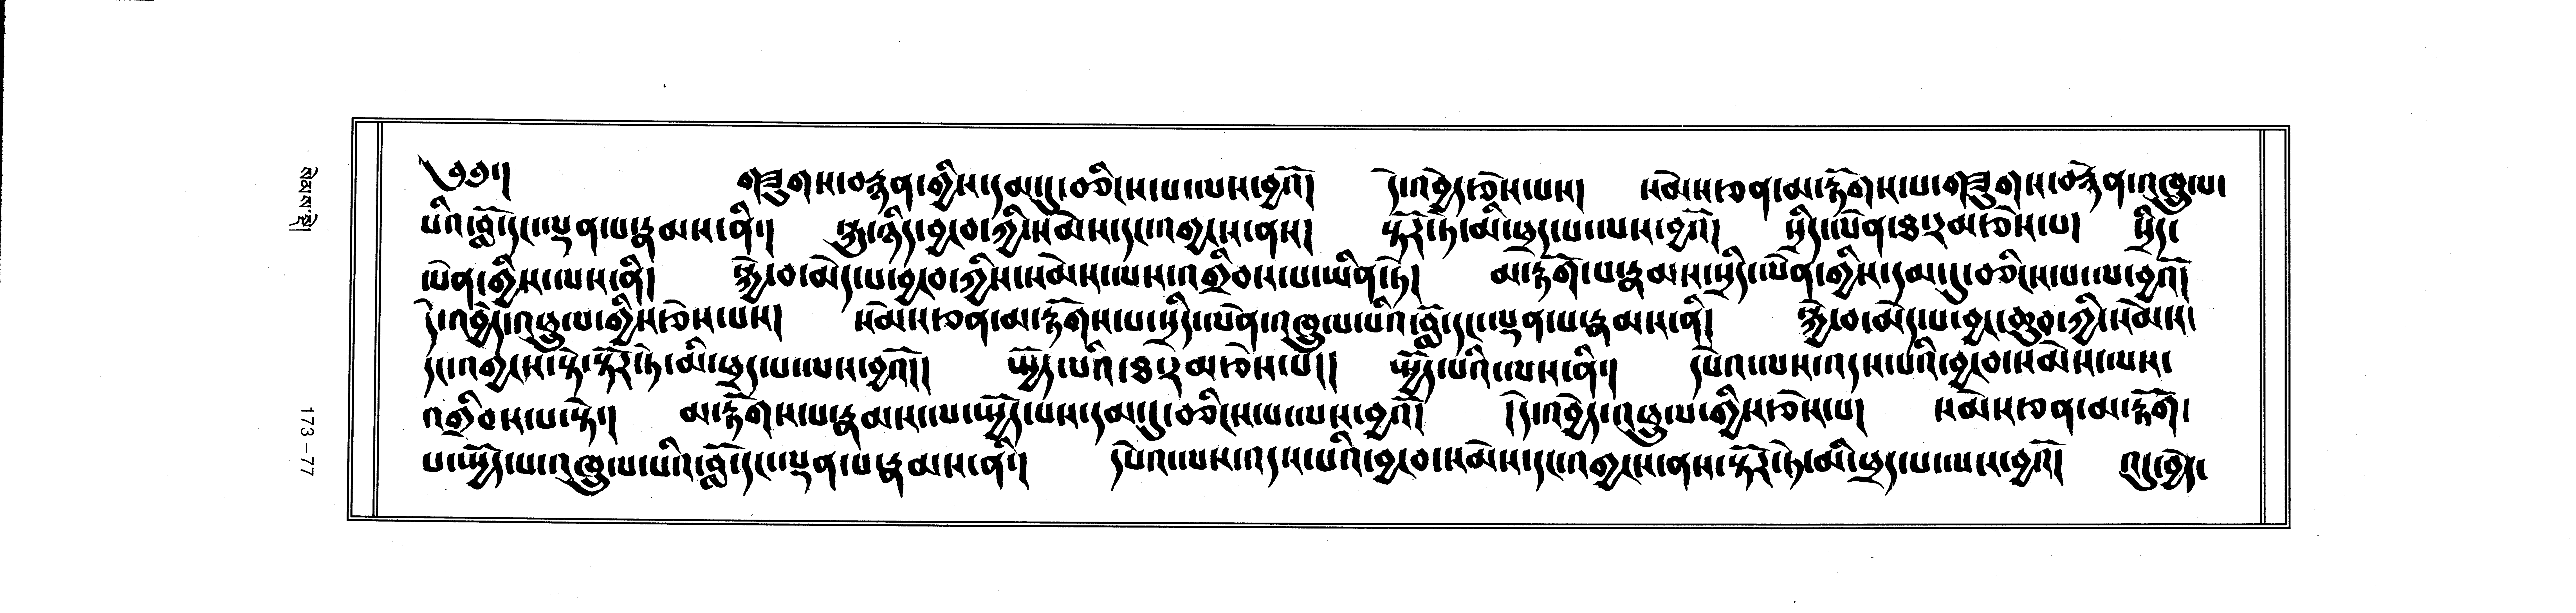གཟུགས་བརྙན་གྱིས་དམ་དུ་བཅིངས་པ་ལ་བྱའོ། དེ་འབྱེད་ཅེས་པས། སེམས་ཅན་མ་རྟོགས་པ་གཟུགས་བརྙན་འཁྲུལ་
པའི་བློ་དང་ལྡན་པ་རྣམས་ནི། སྐུ་ཉིད་བྱང་ཆུབ་སེམས་དང་འགྱངས་ནས་སྟོར་ཏེ་མི་འཕྲད་པ་ལ་བྱའོ། །སྲེད་ལེན་ཐ་རམ་ཅེས་པ། སྲེད་
ལེན་གྱི་ལས་ནི། སྐྱེ་བ་མེད་པ་བྱང་ཆུབ་སེམས་ལ་འགྲིབ་པ་ཡིན་ཏེ། མ་རྟོགས་པ་རྣམས་སྲེད་ལེན་གྱིས་དམ་དུ་བཅིངས་པ་ལ་བྱའོ། 
དེ་འབྱེད་འཕྲུལ་གྱི་ཅེས་པས། སེམས་ཅན་མ་རྟོགས་པ་འཁྲུལ་པའི་བློ་དང་ལྡན་པ་རྣམས་ནི། སྐྱེ་བ་མེད་པ་བྱང་ཆུབ་ཀྱི་སེམས་
དང་འགྱངས་ནས་སྟོར་ཏེ་མི་འཕྲད་པ་ལ་བྱའོ། །སྤྱོད་པའི་ཐ་རམ་ཅེས་པ། སྤྱོད་པའི་ལས་ནི། དཔེ་ལས་འདས་པའི་བྱང་ཆུབ་སེམས་ལ་
འགྲིབ་པ་ཡིན་ཏེ། མ་རྟོགས་པ་རྣམས་ལ་སྤྱོད་པས་དམ་དུ་བཅིངས་པ་ལ་བྱའོ། དེ་འབྱེད་འཕྲུལ་གྱི་ཅེས་པས། སེམས་ཅན་མ་རྟོགས་
པ་སྤྱོད་པ་འཁྲུལ་པའི་བློ་དང་ལྡན་པ་རྣམས་ནི། དཔེ་ལས་འདས་པའི་བྱང་ཆུབ་སེམས་དང་འགྱངས་ནས་སྟོར་ཏེ་མི་འཕྲད་པ་ལ་བྱའོ། །འདུ་བྱེད་